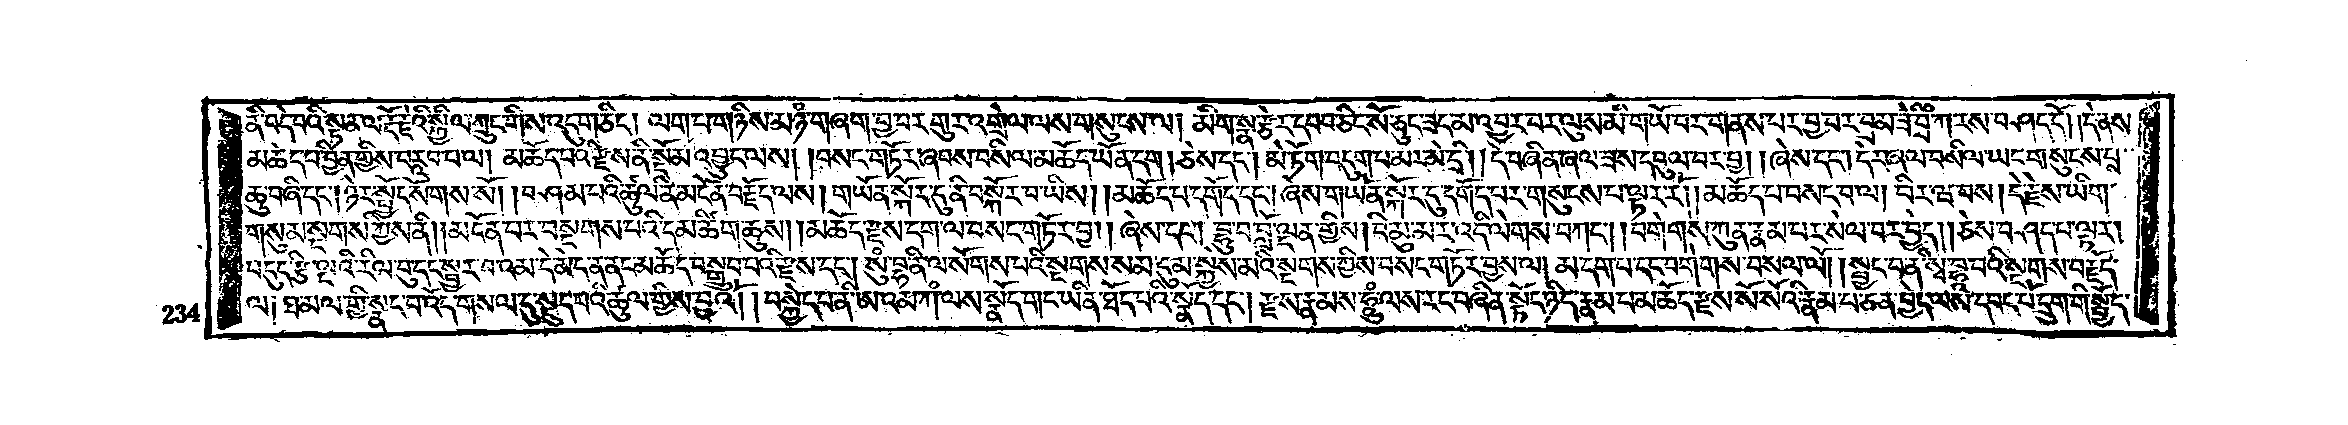ནི་བདེ་བའི་སྟན་ལ་རྡོ་རྗེའི་སྐྱིལ་ཀྲུང་གིས་འདུག་ཅིང་། ལག་པ་གཉིས་མཉམ་གཞག་བྱ་བར་གུར་འགྲེལ་ལས་གསུངས་ལ། མིག་སྣ་རྩེར་དབབ་ཅིང་སོ་ཅུང་ཟད་མ་འབྱར་བར་ལུས་མི་གཡོ་བར་གནས་པར་བྱ་བར་བྲམ་ཟེ་བྲིཾ་ཀ་རས་བཤད་དོ། །དེ་ནས་
མཆེད་པ་བྱིན་གྱིས་བརླབ་པ་ལ། མཆོད་པའི་རྫིས་ནི་སྡོམ་འབྱུང་ལས། །བསང་གཏོར་ཞབས་བསིལ་མཆོད་ཡོན་དག །ཅེས་དང་། མེ་ཏོག་བདུག་པ་མར་མེ་དྲི། །དེ་བཞིན་ཞལ་ཟས་དབུལ་བར་བྱ། །ཞེས་དང་། དེར་ཞལ་བསིལ་ཡང་གསུངས་པས་
ཆུ་བཞི་དང་། ཉེར་སྤྱོད་སོགས་སོ། །བཤམ་པའི་ཚུལ་ནི་མངོན་བརྗོད་ལས། གཡོན་སྐོར་དུ་ནི་བསྐོར་བ་ཡིས། །མཆོད་པ་དགོད་དང་། ཞེས་གཡོན་སྐོར་དུ་དགོད་པར་གསུངས་པ་ལྟར་རོ། །མཆོད་པ་བསང་བ་ལ། བིར་ཝ་བས། དེ་རྗེས་ཡིག་
གསུམ་སྔགས་ཀྱིས་ནི། །མངོན་པར་བསྔགས་པའི་དམ་ཚིག་ཆུས། །མཆོད་རྫས་དག་ལ་བསང་གཏོར་བྱ། །ཞེས་དང་། བྷུ་བ་བློ་ལྡན་གྱིས། བི་མུ་མར་འདི་ལེགས་བཀང་། །བགེགས་ཀུན་རྣམ་པར་སེལ་བར་བྱེད། །ཅེས་བཤད་པ་ལྟར།
བདུད་རྩི་ལྔའི་རིལ་བུ་དང་སྦྱར་བའམ་དེ་མེད་ན་ནང་མཆོད་བསྒྲུབ་པའི་རྫས་དང་། སུཾ་བྷ་ནི་ལ་སོགས་པའི་སྔགས་སམ་དུ་མ་སྐྱེས་མའི་སྔགས་ཀྱིས་བསང་གཏོར་བྱས་ལ། མ་དག་པ་དང་བགེགས་བསལ་ལོ། །སྦྱང་བ་ནི་སྭ་བྷཱ་བའི་སྔགས་བརྗོད་དེ་
ལ། ཐ་མལ་གྱི་སྣང་བ་འོད་གསལ་དུ་སྡུད་པའི་ཚུལ་གྱིས་བྱའོ། །བསྐྱེད་པ་ནི་ཨ་འམ་ཀཾ་ལས་སྣོད་གང་ཡིན་ཐོད་པའི་སྣོད་དང་། རྫས་རྣམས་ཧཱུཾ་ལས་རང་བཞིན་སྟོང་ཉིད་རྣམ་པ་མཆོད་རྫས་སོ་སོའི་རྣམ་པ་ཅན་བྱེད་ལས་དབང་པོ་དྲུག་གི་སྤྱོད་